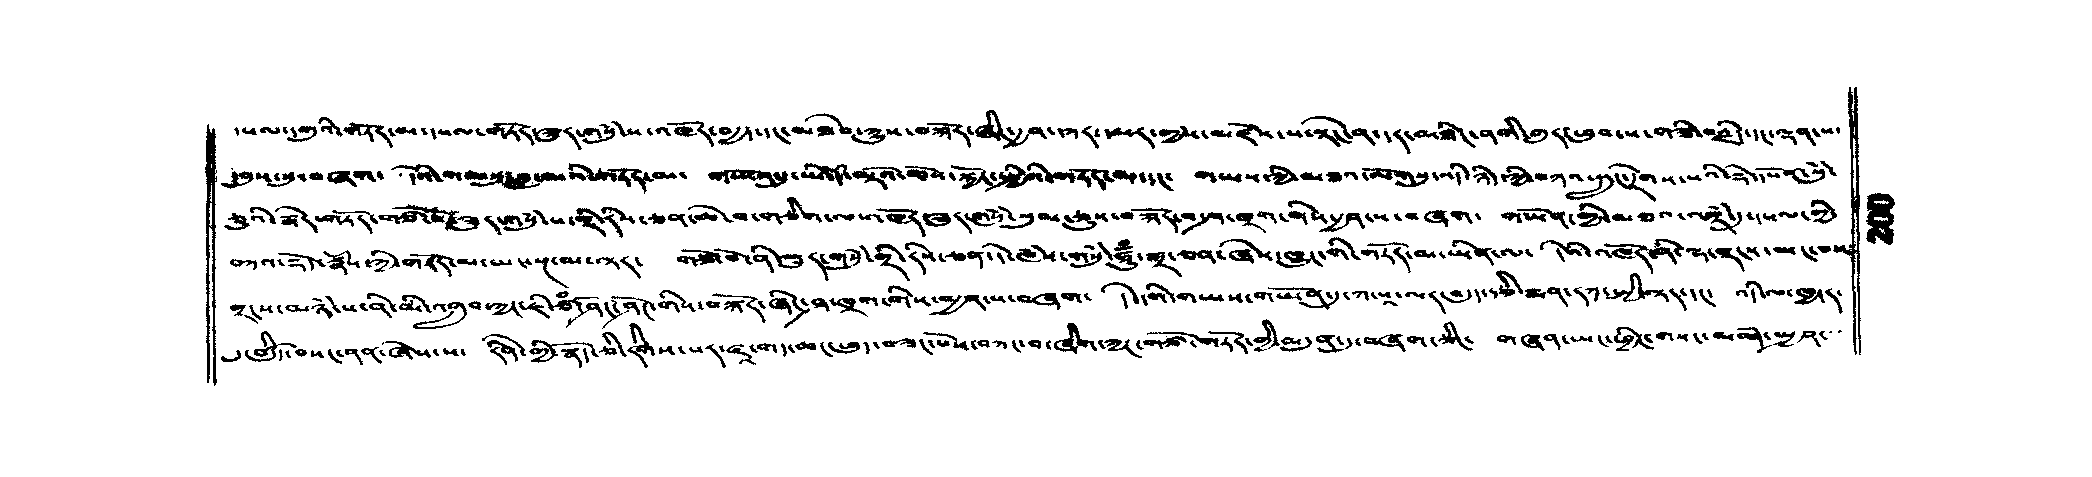དཔལ་དགུའི་གཏོར་མ་དཔལ་གཏོར་ཟུར་གསུམ་པ་འཁོར་བརྒྱད་དང་མཐེབ་ཀྱུས་བསྐོར་ཞིང་རྒྱན་དཀར་དམར་གྱིས་མཛེས་པ་སྟེང་ན་དར་མཐིང་ནག་གི་གུར་ཕུབ་པ་གཟི་བརྗིད་དང་ལྡན་པ་
དབུས་སུ་བཞག་དེའི་གཡས་སུ་བླ་མའི་གཏོར་མ། གཡོན་དུ་ཡི་དམ་མཁའ་འགྲོ་ཆོས་སྐྱོང་སྤྱིའི་གཏོར་མ་དང་། གཡས་ཀྱི་མཐའ་ལོགས་སུ་འདི་ཉིད་ཀྱི་བཀའ་སྲུང་དྲེགས་པའི་སྡེ་དཔོན་སུམ་
ཅུའི་སྒེར་གཏོར་གཙོ་བོ་ཟུར་གསུམ་པ་གྲི་རིས་ཅན་ཆེ་བ་གཅིག་ལ་འཁོར་ཟུར་སུམ་ཅུས་བསྐོར་བ་ཤ་ཁྲག་གི་རྒྱན་པ་བཞག་གཡོན་གྱི་མཐའ་འགྲམ་དུ་དཔལ་གྱི་
བཀའ་སྡོད་རྣམས་ཀྱི་གཏོར་མ་ཡང་སྔ་མ་ལྟར། གཙོ་བོ་ནི་ཟུར་གསུམ་གྲི་རས་ཅན་དེ་ཁམས་གསུམ་ཧཱུྃ་སྒྲ་ཅན་ཞེས་ཁྱུང་གི་གཏོར་མ་ཡིན་ལ། དེའི་འཁོར་ནི་ལྷ་གྲངས་མང་བས་
གྲངས་མཉམ་པ་ནི་མི་འགྲུབ་ཀྱང་ཇི་ཙམ་ཤོང་ཤོང་གིས་བསྐོར་ཞིང་ཤ་ཁྲག་གིས་བརྒྱན་པ་བཞག་དེ་དག་གི་གཡས་གཡོན་དུ་ཀ་པཱ་ལར་བདུད་རྩི་སྨན་རག་སྤྱི་ལྟར་དང་། འདི་ལ་ཁྱད་པར་
དུ་བདུད་རྩི་བསངས་ནན་ཞེས་པ།རིན་ཆེན་གྱི་སྣོད་ཅི་རིགས་པར་ཛཱ་གད་ཆང་ཕུད་བཟང་པོས་བཀང་བ་ཞིག་ཀྱང་གཙོ་གཏོར་གྱི་མདུན་དུ་བཞག་ཅིང་། གཞན་ཡང་ཕྱི་ནང་གསང་མཆོད་སྤྱན་